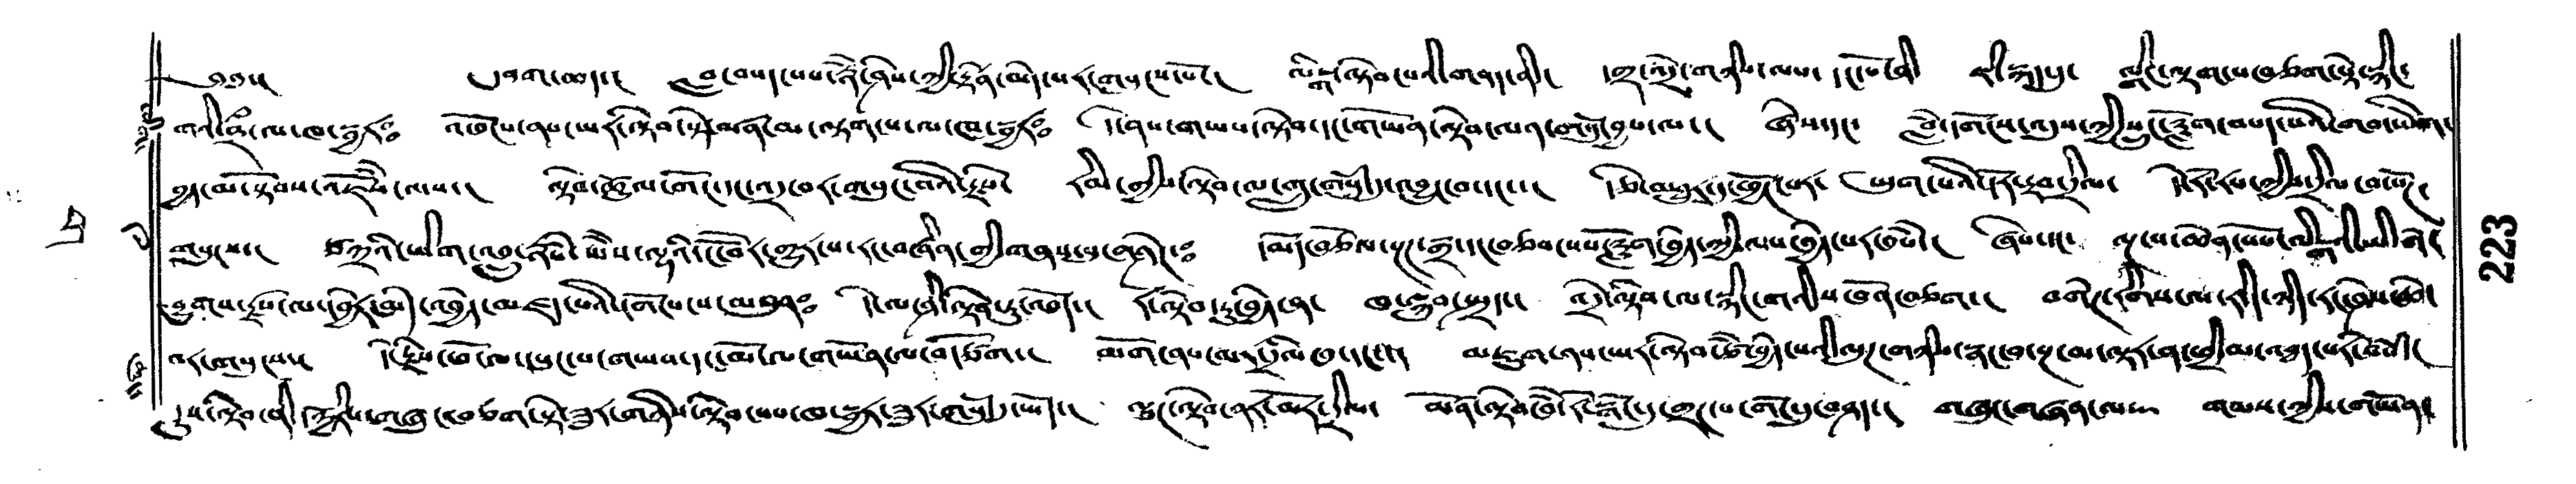དབུགས་ཆད། བླ་བསད་པས་རྣམ་ཤེས་ཀྱི་རྟེན་མེད་པར་གསུངས་སོ།ལིངྒ་ལྟེབ་པའི་གནད་ནི། དགྲ་འདྲེ་གཉིས་ལས་དང་པོ་ནི། ཇི་སྐད་དུ། ལིངྒ་ལྟག་པ་བཅག་སྟེ་སྙིང་
གའི་ནྲྀ་ལ་ཁ་སྦྱར། འཕོངས་ནས་ཡར་ལྟེབ་སྟེ་མཚན་མ་ལྟག་པ་ལ་ཁ་སྦྱར། དཻ་ནས་གཡས་ལྟེབ་དང་གཡོན་ལྟེབ་ལན་གསུམ་བྱས་ལ། ཞེས་དང་། བླ་མ་དགོངས་འདུས་ཀྱི་སྲུང་བཟློག་བསད་པའི་གབ་ཡིག་
བྱད་མ་སྟོབས་འཇོམས་ལས། ལྟེབ་ཚུལ་གོང་དང་འདྲ་བར་གསུངས་བའི་རྗེས། རིམ་གྱིས་ལྟེབ་ལ་གྲུ་གསུམ་དུ་འབྱུང་བ་དང་། རྩེ་མཐུར་དུ་ཕྱོགས་པར། ཡུག་སའི་དོར་རྟས་དྲིལ། དེ་རོ་རས་ཀྱིས་དྲིལ་བ་སོགས་
གསུངས། ཙཀྲའི་ཡིག་འབྲུ་རྣམས་ཡེ་ཤེས་ལྷའི་ངོ་བོར་གྱུར་པ་རང་བཞིན་གྱི་གནས་སུ་གཤེགས། དམོད་བཅོལ་སྔགས་སྒྲ་དང་བཅས་པས་ཟློག་བྱེད་ཀྱི་ལས་བྱེད་པར་བསམ། ཞེས་དང་། ལྔ་པ་ཆེན་པོས་ལིངྒའི་ཡི་གེར་
བྱུགས་རྫས་ལ་དབྱེར་མེད་འབྱེད་མཛད་པའི་དགོངས་པ་མཐུན། དེ་ལ་ཤིན་ལྟེབ་ཏུ་འབོད། རོ་ལྟེབ་ཏུ་བྱེད་ན། ཁ་རྐུབ་སྤྲད། འདྲེ་ལྟེབ་ལ་སྙིང་གའི་ས་བོན་བཅག བགེགས་རིགས་ལ་རིང་བ་ཉིད་ཤས་ཆེ་
བར་གསུངས། དེ་རྗེས་ཕོ་ལ་དཔུང་པ་གཡས་དང་མོ་ལ་གཡོན་ལ་བཅོག མགོ་ནས་མར་དྲིལ་བ་དང་། མཇུག་ནས་ཡར་ལྟེབ་ཙམ་བྱེད་པའི་ལུགས་གཉིས་སྣང་བ་སྔ་མ་ལས་ཕྱི་མ་འཐད་པར་བསམ། 
རུས་ལྟེབ་ནི་དཀྱིལ་འཁོར་གཞུང་བཅག་སྟེ་ཟུར་གཉིས་ལྟེབ་པས་ཁ་སྦྱར་ཟུར་གསུམ་དུ་ཡོད། ལྕགས་ལྟེབ་ནར་མོ་དྲིལ། མཚོན་ལྟེབ་བམ་རོ་སྒོང་དུ་གྲགས་པ་གོང་དུ་བཤད། གཞུང་གཞན་ལས། གཡས་ཀྱིས་གཡོན་